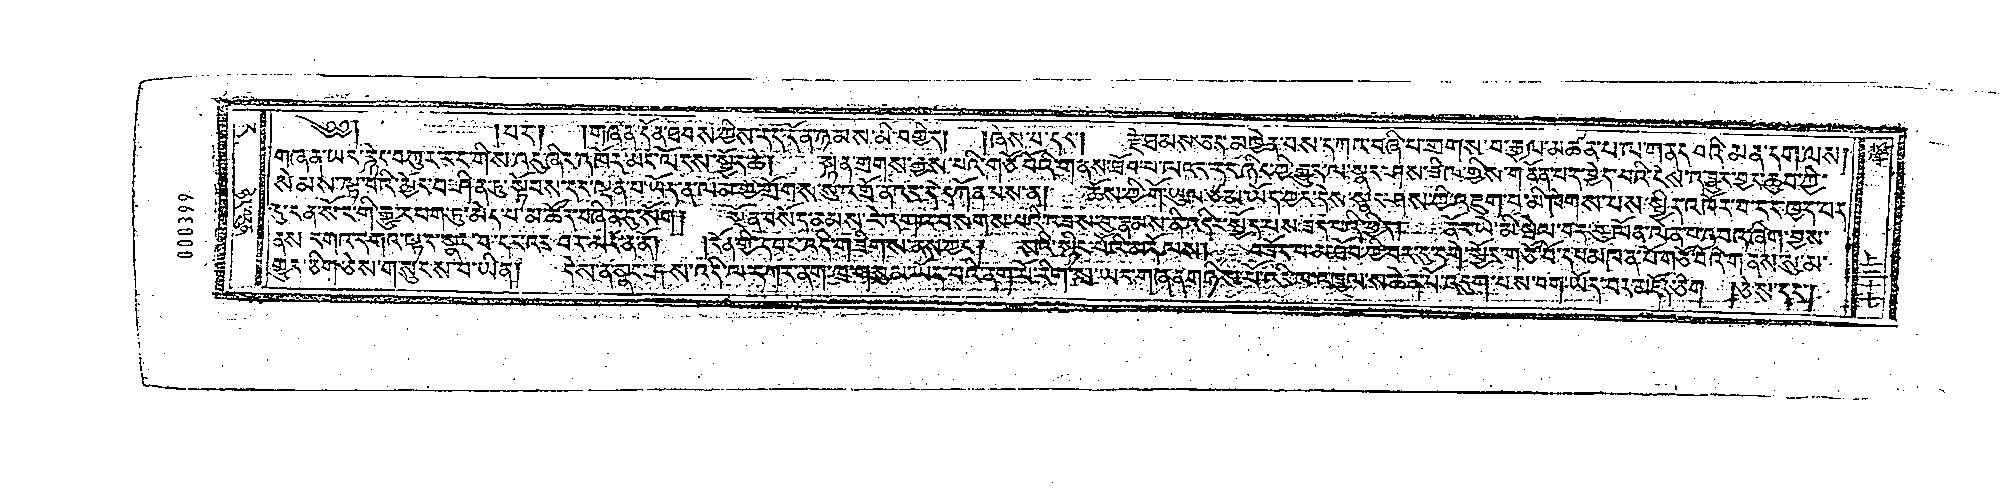༄༅། །པར། །གཞན་དོན་ཐབས་ཀྱིས་རང་དོན་ཉམས་མི་བགྱིད། །ཞེས་པ་དང་། རྗེ་ཐམས་ཅད་མཁྱེན་པས་དཀའ་བཞི་པ་གྲགས་པ་རྒྱལ་མཚན་པ་ལ་གནང་བའི་མན་དག་ལས།
གཞན་ཡང་རྙེད་བཀུར་རང་གིས་འདུ་ཞིང་འཁོར་མང་ལོངས་སྤྱོད་ཆེ། སྙན་གྲགས་རྒྱས་པའི་གཙོ་བོའི་གནས་ཐོབ་པ་ལའང་རང་ཉིད་ཀྱི་རྒྱུད་ལ་སྣང་ཤས་ཟིལ་གྱིས་གནོན་པར་བྱེད་པའི་ངེས་འབྱུང་བྱང་ཆུབ་ཀྱི་
སེམས་ལྟ་བའི་མྱོང་བ་ཤིན་ཏུ་སྟོབས་དང་ལྡན་པ་ཡོད་ན་ལམ་གྱི་གྲོགས་སུ་འགྲོ་ནའང་དེ་དཀོན་པས་ན། ཆོས་ཀྱི་གོ་ཡུལ་ཙམ་ཡོད་ཀྱང་ངེས་སྣང་ཤས་ཀྱི་འཇུག་པ་མི་ཁེགས་པས་སྦྱིར་འཁོར་བ་དང་ཁྱད་པར་
དུ་ངན་སོང་གི་རྒྱུ་དཔག་ཏུ་མེད་པ་མ་ཚོར་བཞིན་དུ་སོག། སྔོན་བསོད་ནམས་རེ་འགའ་བསགས་པའི་འབྲས་བུ་རྣམས་ནི་འདིར་སྤྱོད་པས་ཟད་པའི་ཕྱིར། ནོར་ཡི་མི་སྦེལ་བར་བུ་ལོན་ལེན་པ་འབའ་ཞིག་བྱས་
ནས་དགའ་དགའ་ལྟར་སྣང་བ་དང་འདྲ་བར་མངོན་ནོ། །དོན་གྱི་དབང་འདི་གཟིགས་ནས་ཀྱང་། སའི་སྙིང་པོའི་མདོ་ལས། བཟོད་པ་མ་ཐོབ་ཀྱི་བར་དུ་དགེ་སྦྱོང་གཙོ་བོ་དང་མཁན་པོ་གཙོ་བོའི་གནས་སུ་མ་
གྱུར་ཅིག་ཅེས་གསུངས་པ་ཡིན། དེས་ན་སྣང་ཤས་འདི་ལ་དཀར་ནག་ཁྲ་གསུམ་ཡོད་པའི་ནག་པོ་རིག་སླ་ཡང་གཞན་གཉིས་པོ་འདི་ལ་འཁྲུལ་ས་ཆེན་པོ་འདུག་པས་བག་ཡོད་བར་མཛོད་ཅིག །ཅེས་དང་།